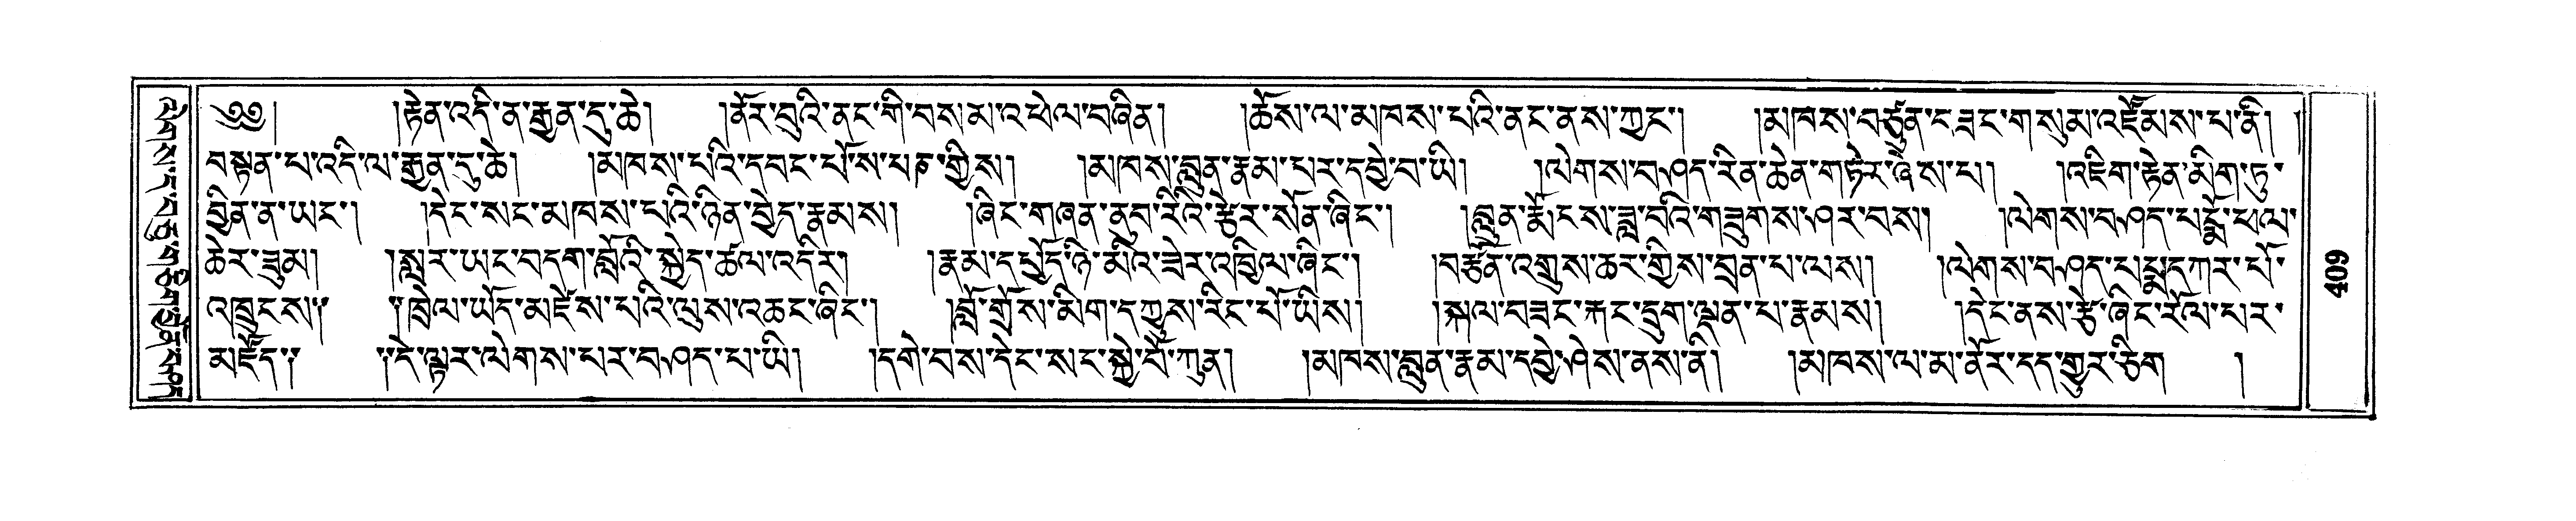༄༅། །རྟེན་འདི་ན་རྒྱན་དུ་ཆེ། །ནོར་བུའི་ནང་གི་བསམ་འཕེལ་བཞིན། །ཆོས་ལ་མཁས་པའི་ནང་ནས་ཀྱང་། །མཁས་བཙུན་བཟང་གསུམ་འཛོམས་པ་ནི། །
བསྟན་པ་འདི་ལ་རྒྱན་དུ་ཆེ། །མཁས་པའི་དབང་པོ་ས་པཎ་གྱིས། །མཁས་བླུན་རྣམ་པར་དབྱེ་བ་ཡི། །ལེགས་བཤད་རིན་ཆེན་གཏེར་ཞེས་པ། །འཇིག་རྟེན་མིག་ཏུ་
བྱིན་ན་ཡང་། །དེང་སངས་མཁས་པའི་ཉིན་བྱེད་རྣམས། །ཞིང་གཞན་ནུབ་རིའི་རྩེར་སོན་ཞིང་། །བླུན་རྨོངས་ཟླ་བའི་གཟུགས་ཤར་བས། །ལེགས་བཤད་པདམོ་ཕལ་
ཆེར་ཟུམ། །སླར་ཡང་བདག་བློའི་སྐྱེད་ཚལ་འདིར། །རྣམ་དཔྱོད་ཉི་མའི་ཟེར་འཁྱིལ་ཞིང་། །བརྩོན་འགྲུས་ཆར་གྱིས་བྲན་པ་ལས། །ལེགས་བཤད་པདམ་དཀར་པོ་
འཁྲུངས༑ ༑ཁྲེལ་ཡོད་མཛེས་པའི་ལུས་འཆང་ཞིང་། །བློ་གྲོས་མིག་དཀྱུས་རིང་པོ་ཡིས། །སྐལ་བཟང་རྐང་དྲུག་ལྡན་པ་རྣམས། །དེང་ནས་རྩེ་ཞིང་རོལ་པར་
མཛོད༑ ༑དེ་ལྟར་ལེགས་པར་བཤད་པ་ཡི། །དགེ་བས་དེང་སང་སྐྱེ་བོ་ཀུན། །མཁས་བླུན་རྣམ་དབྱེ་ཤེས་ནས་ནི། །མཁས་ལ་མ་ནོར་དད་གྱུར་ཅིག །